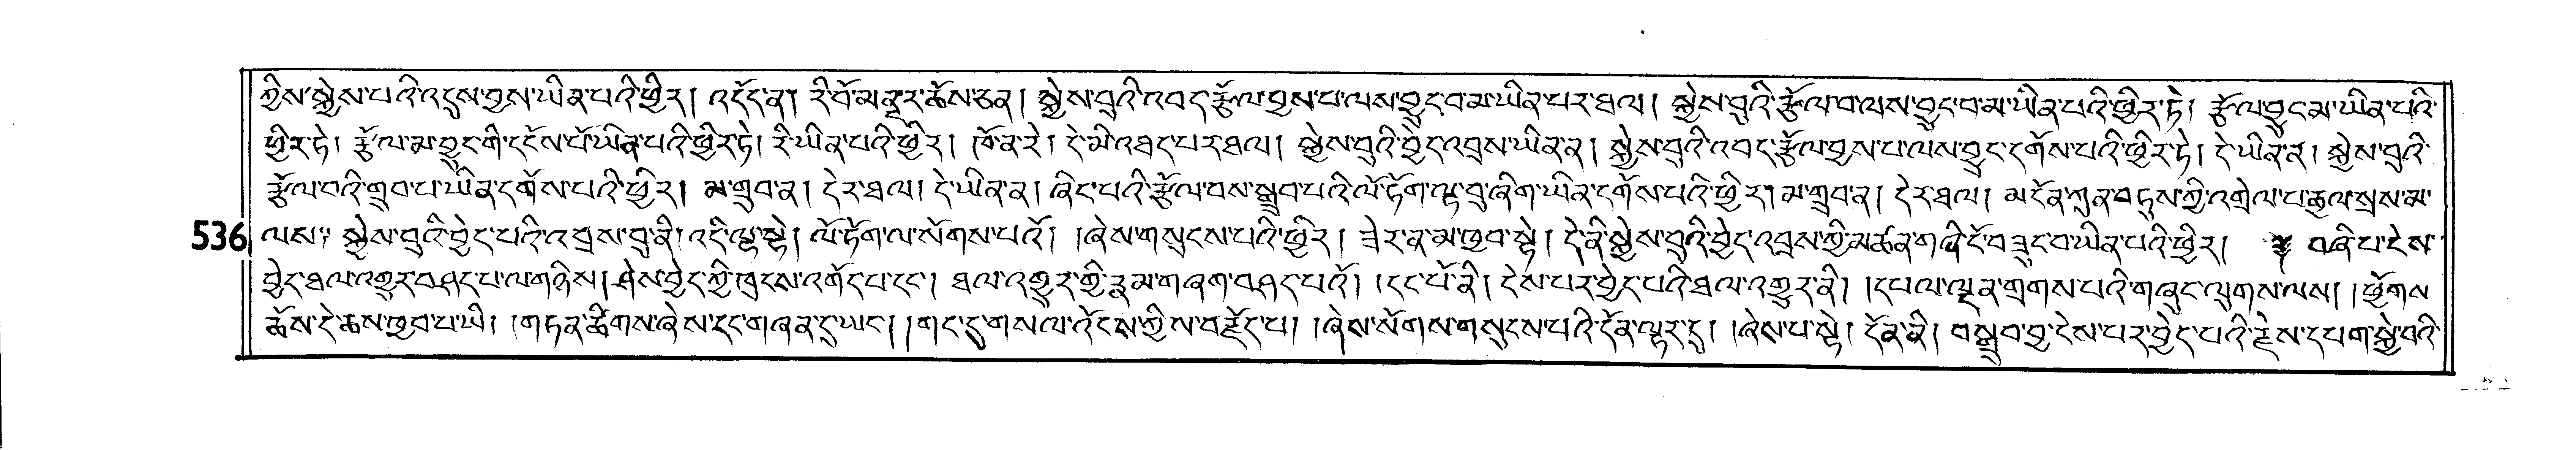ཀྱིས་སྐྱེས་པའི་འདུས་བྱས་ཡིན་པའི་ཕྱིར། འདོད་ན། རི་བོ་མནྡ་ར་ཆོས་ཅན། སྐྱེས་བུའི་འབད་རྩོལ་བྱས་པ་ལས་བྱུང་བ་མ་ཡིན་པར་ཐལ། སྐྱེས་བུའི་རྩོལ་བ་ལས་བྱུང་བ་མ་ཡིན་པའི་ཕྱིར་ཏེ། རྩོལ་བྱུང་མ་ཡིན་པའི་
ཕྱིར་ཏེ། རྩོལ་མ་བྱུང་གི་དངོས་པོ་ཡིན་པའི་ཕྱིར་ཏེ། རི་ཡིན་པའི་ཕྱིར། ཁོ་ན་རེ། དེ་མི་འཐད་པར་ཐལ། སྐྱེས་བུའི་བྱེད་འབྲས་ཡིན་ན། སྐྱེས་བུའི་འབད་རྩོལ་བྱས་པ་ལས་བྱུང་དགོས་པའི་ཕྱིར་ཏེ། དེ་ཡིན་ན། སྐྱེས་བུའི་
རྩོལ་བའི་གྲུབ་པ་ཡིན་དགོས་པའི་ཕྱིར། མ་གྲུབ་ན། དེར་ཐལ། དེ་ཡིན་ན། ཞིང་པའི་རྩོལ་བས་སྒྲུབ་པའི་ལོ་ཏོག་ལྟ་བུ་ཞིག་ཡིན་དགོས་པའི་ཕྱིར། མ་གྲུབ་ན། དེར་ཐལ། མངོན་ཀུན་བཏུས་ཀྱི་འགྲེལ་པ་རྒྱལ་སྲས་མ་
ལས༑ སྐྱེས་བུའི་བྱེད་པའི་འབྲས་བུ་ནི། འདི་ལྟ་སྟེ། ལོ་ཏོག་ལ་སོགས་པའོ། །ཞེས་གསུངས་པའི་ཕྱིར། ཟེར་ན་མ་ཁྱབ་སྟེ། དེ་ནི་སྐྱེས་བུའི་བྱེད་འབྲས་ཀྱི་མཚན་གཞི་ངོ་བཟུང་བ་ཡིན་པའི་ཕྱིར། ༈ བཞི་པ་ངེས་
བྱེད་ཐལ་འགྱུར་བཤད་པ་ལ་གཉིས། ཤེས་བྱེད་ཀྱི་ཁུངས་འགོད་པ་དང་། ཐལ་འགྱུར་གྱི་རྣམ་གཞག་བཤད་པའོ། །དང་པོ་ནི། ངེས་པར་བྱེད་པའི་ཐལ་འགྱུར་ནི། །དཔལ་ལྡན་གྲགས་པའི་གཞུང་ལུགས་ལས། །ཕྱོགས་
ཆོས་དེ་ཆས་ཁྱབ་པ་ཡི། །གཏན་ཚིགས་ཞེས་དང་གཞན་དུ་ཡང་། །གང་དུ་གསལ་འོངས་ཀྱིས་བརྗོད་པ། །ཞེས་སོགས་གསུངས་པའི་དོན་ལྟར་དུ། །ཞེས་པ་སྟེ། དོན་ནི། བསྒྲུབ་བྱ་ངེས་པར་བྱེད་པའི་རྗེས་དཔག་སྐྱེ་བའི་